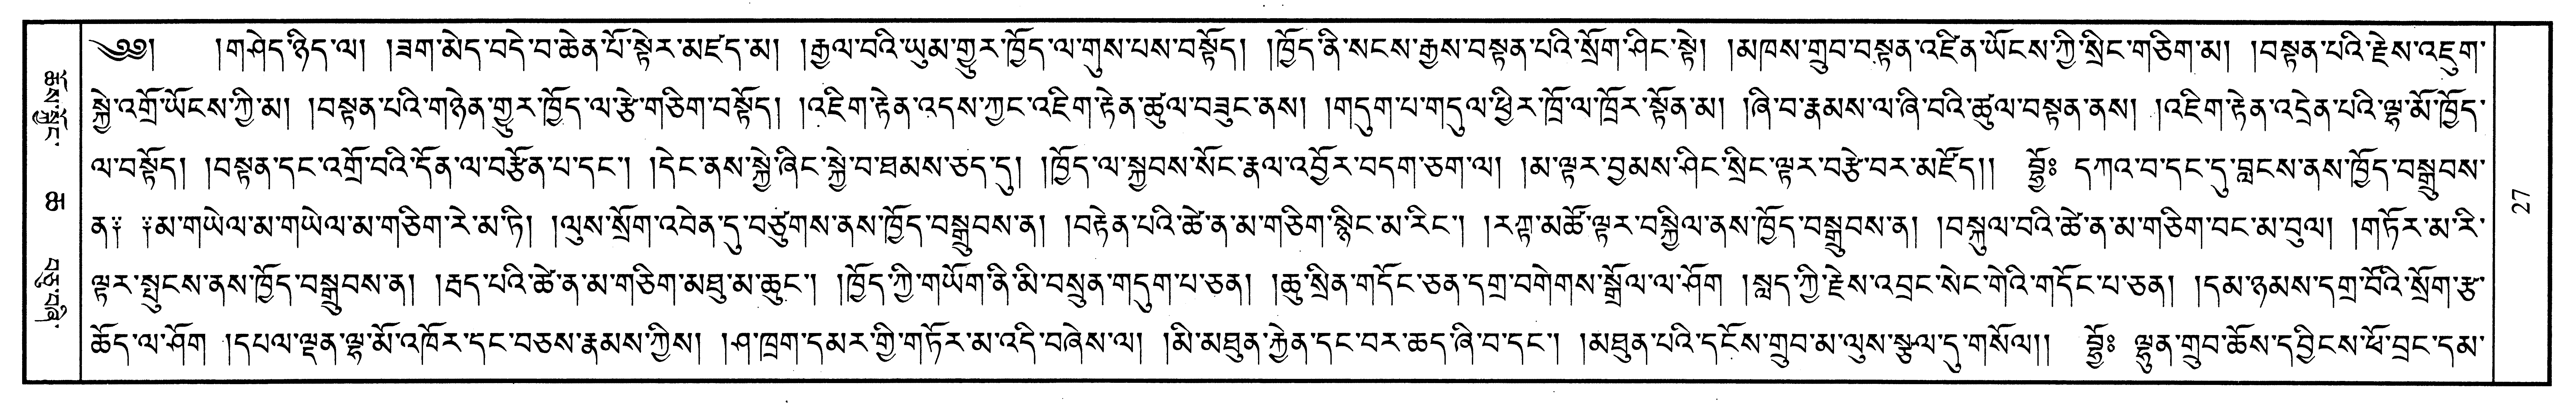༄༅། །གཤེད་ཉིད་ལ། །ཟག་མེད་བདེ་བ་ཆེན་པོ་སྟེར་མཛད་མ། །རྒྱལ་བའི་ཡུམ་གྱུར་ཁྱོད་ལ་གུས་པས་བསྟོད། །ཁྱོད་ནི་སངས་རྒྱས་བསྟན་པའི་སྲོག་ཤིང་སྟེ། །མཁས་གྲུབ་བསྟན་འཛིན་ཡོངས་ཀྱི་སྲིང་གཅིག་མ། །བསྟན་པའི་རྗེས་འཇུག་
སྐྱེ་འགྲོ་ཡོངས་ཀྱི་མ། །བསྟན་པའི་གཉེན་གྱུར་ཁྱོད་ལ་རྩེ་གཅིག་བསྟོད། །འཇིག་རྟེན་འདས་ཀྱང་འཇིག་རྟེན་ཚུལ་བཟུང་ནས། །གདུག་པ་གདུལ་ཕྱིར་ཁྲོ་ལ་ཁྲོར་སྟོན་མ། །ཞི་བ་རྣམས་ལ་ཞི་བའི་ཚུལ་བསྟན་ནས། །འཇིག་རྟེན་འདྲེན་པའི་ལྷ་མོ་ཁྱོད་
ལ་བསྟོད། །བསྟན་དང་འགྲོ་བའི་དོན་ལ་བརྩོན་པ་དང་། །དེང་ནས་སྐྱེ་ཞིང་སྐྱེ་བ་ཐམས་ཅད་དུ། །ཁྱོད་ལ་སྐྱབས་སོང་རྣལ་འབྱོར་བདག་ཅག་ལ། །མ་ལྟར་བྱམས་ཤིང་སྲིང་ལྟར་བརྩེ་བར་མཛོད།། བྷྱོཿ དཀའ་བ་དང་དུ་བླངས་ནས་ཁྱོད་བསྒྲུབས་
ན༑ ༑མ་གཡེལ་མ་གཡེལ་མ་གཅིག་རེ་མ་ཏི། །ལུས་སྲོག་འབེན་དུ་བཙུགས་ནས་ཁྱོད་བསྒྲུབས་ན། །བརྟེན་པའི་ཚེ་ན་མ་གཅིག་སྙིང་མ་རིང་། །རཀྟ་མཚོ་ལྟར་བསྐྱིལ་ནས་ཁྱོད་བསྒྲུབས་ན། །བསྐུལ་བའི་ཚེ་ན་མ་གཅིག་བང་མ་བུལ། །གཏོར་མ་རི་
ལྟར་སྤུངས་ནས་ཁྱོད་བསྒྲུབས་ན། །རྦད་པའི་ཚེ་ན་མ་གཅིག་མཐུ་མ་ཆུང་། །ཁྱོད་ཀྱི་གཡོག་ནི་མི་བསྲུན་གདུག་པ་ཅན། །ཆུ་སྲིན་གདོང་ཅན་དགྲ་བགེགས་སྒྲོལ་ལ་ཤོག །སླད་ཀྱི་རྗེས་འབྲང་སེང་གེའི་གདོང་པ་ཅན། །དམ་ཉམས་དགྲ་བོའི་སྲོག་རྩ་
ཆོད་ལ་ཤོག །དཔལ་ལྡན་ལྷ་མོ་འཁོར་དང་བཅས་རྣམས་ཀྱིས། །ཤ་ཁྲག་དམར་གྱི་གཏོར་མ་འདི་བཞེས་ལ། །མི་མཐུན་རྐྱེན་དང་བར་ཆད་ཞི་བ་དང་། །མཐུན་པའི་དངོས་གྲུབ་མ་ལུས་སྩལ་དུ་གསོལ།། བྷྱོཿ ལྷུན་གྲུབ་ཆོས་དབྱིངས་ཕོ་བྲང་དམ་